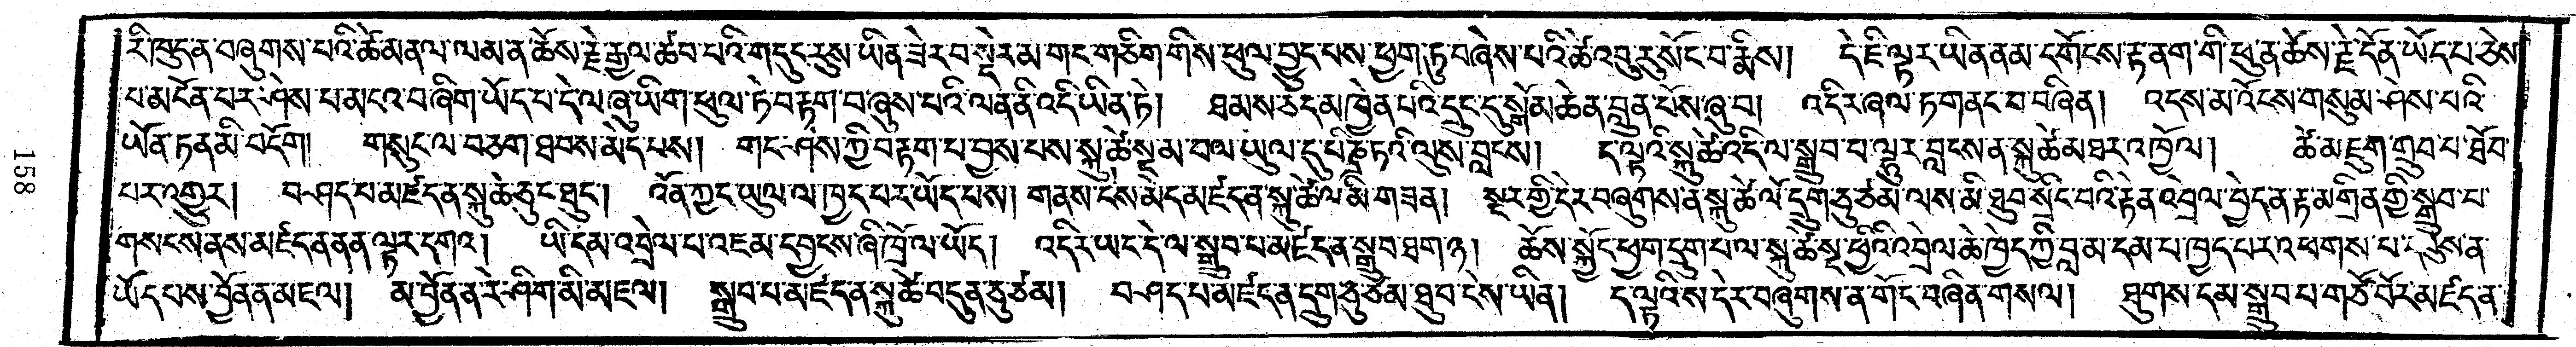རི་ཁུད་ན་བཞུགས་པའི་ཚེ་མནལ་ལམ་ན་ཆོས་རྗེ་རྒྱལ་ཚབ་པའི་གདུང་རུས་ཡིན་ཟེར་བ་སྡེར་མ་གང་གཅིག་གིས་ཕུལ་བྱུང་པས་ཕྱག་ཏུ་བཞེས་པའི་ཚེ་འབུ་རུ་སོང་བ་རྨིས། དེ་ཇི་ལྟར་ཡིན་ནམ་དགོངས་རྟ་ནག་གི་ཕུ་ན་ཆོས་རྗེ་དོན་ཡོད་པ་ཅེས་
པ་མངོན་པར་ཤེས་པ་མངའ་བ་ཞིག་ཡོད་པ་དེ་ལ་ཞུ་ཡིག་ཕུལ་ཏེ་བརྟག་བ་ཞུས་པའི་ལན་ནི་འདི་ཡིན་ཏེ། ཐམས་ཅད་མཁྱེན་པའི་དྲུང་དུ་སྒོམ་ཆེན་བླུན་པོས་ཞུ་བ། འདིར་ཞལ་ཏ་གནང་བ་བཞིན། འདས་མ་འོངས་གསུམ་ཤེས་པའི་
ཡོན་ཏན་མི་བདོག། གསུང་ལ་བཅག་ཐབས་མེད་པས། གང་ཤེས་ཀྱི་བརྟག་པ་བྱས་པས་སྐུ་ཚེ་སྔ་མ་བལ་ཡུལ་དུ་པཎྜི་ཏའི་ལུས་བླངས། ད་ལྟའི་སྐུ་ཚེ་འདི་ལ་སྒྲུབ་པ་ལྷུར་བླངས་ན་སྐུ་ཚེ་མཐར་འཁྱོལ། ཚེ་མཇུག་གྲུབ་པ་ཐོབ་
པར་འགྱུར། བཤད་པ་མཛད་ན་སྐུ་ཆེ་ཅུང་ཐུང་། འོན་ཀྱང་ཡུལ་ལ་ཁྱད་པར་ཡོད་པས། གནས་ངེས་མེད་མཛད་ན་སྐུ་ཚེ་ལ་མི་གཟན། སྔར་གྱི་དེར་བཞུགས་ན་སྐུ་ཚེ་ལོ་དྲུག་ཅུ་ཙམ་ལས་མི་ཐུབ་སྲིང་བའི་རྟེན་འབྲེལ་བྱེད་ན་རྟ་མགྲིན་གྱི་སྒྲུབ་པ་
གངས་ནས་མཛད་ན་ནན་ལྟར་དགའ། ཡི་དམ་འབྲེལ་པ་འཇམ་དབྱངས་ཞི་ཁྲོ་ལ་ཡོད། འདིར་ཡང་དེ་ལ་སྒྲུབ་པ་མཛད་ན་སྒྲུབ་ཐག་ཉ། ཆོས་སྐྱོང་ཕྱག་དྲུག་པ་ལ་སྐུ་ཚེ་སྔ་ཕྱིའི་འབྲེལ་ཆེ་ཁྱེད་ཀྱི་བླ་མ་དམ་པ་ཁྱད་པར་འཕགས་པ་དབུས་ན་
ཡོད་པས་བྱོན་ན་མཇལ། མ་བྱོན་ན་རེ་ཤིག་མི་མཇལ། སྒྲུབ་པ་མཛད་ན་སྐུ་ཚེ་བདུན་ཅུ་ཙམ། བཤད་པ་མཛད་ན་དྲུག་ཅུ་ཙམ་ཐུ་བ་ངེས་ཡིན། ད་ལྟའི་ས་དེར་བཞུགས་ན་གོང་བཞིན་གསལ། ཐུགས་དམ་སྒྲུབ་པ་གཙོ་བོར་མཛད་ན་